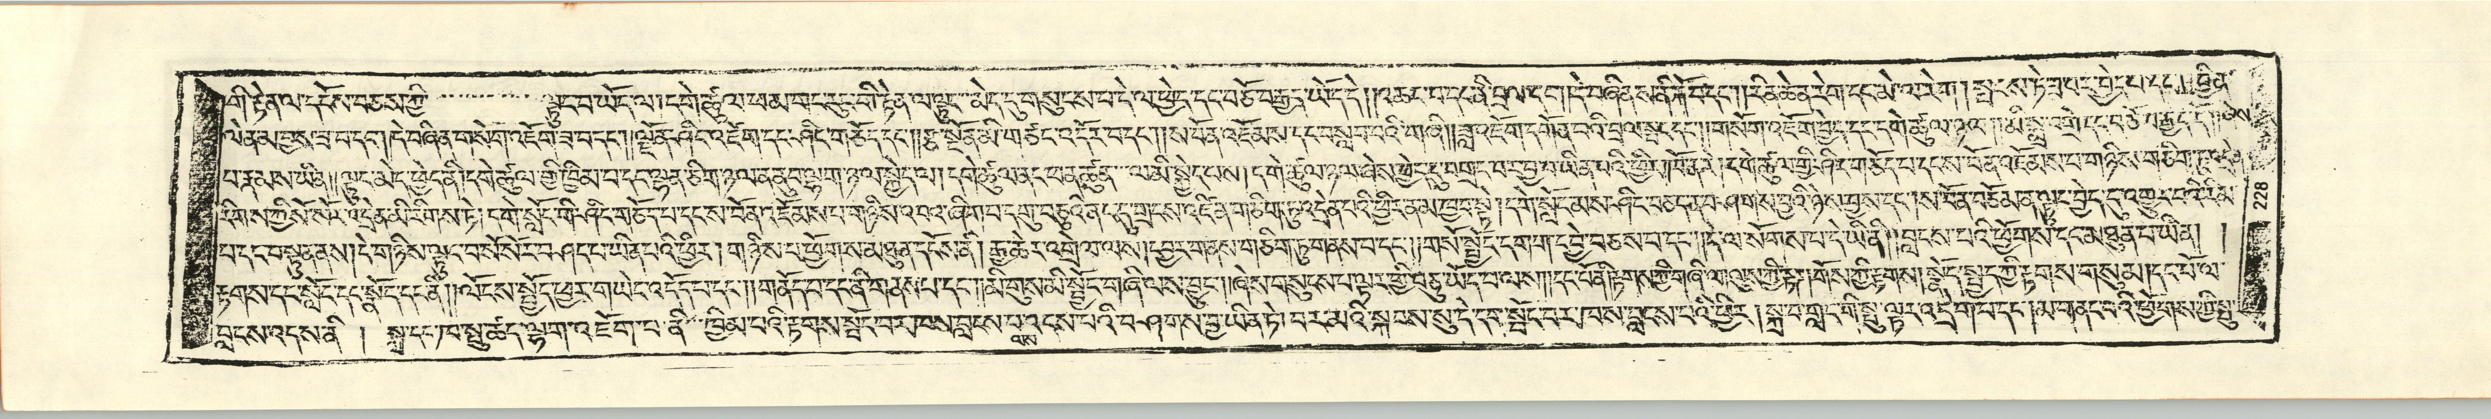གི་རྟེན་ལ་དངོས་བཅས་ཀྱི་ལྟུང་བ་ཡོད་ལ། དགེ་ཚུལ་ཕམ་གང་རུང་གི་རྟེན་ལ་ལྟུང་མེད་དུ་གསུངས་པ་དེ་ལ་ཕྱེད་དང་བཅོ་བརྒྱད་ཡོད་དེ། །འཆང་བ་དང་ནི་བྲལ་དང་། །དེ་བཞིན་ས་ནི་རྐོ་བ་དང་། །རིན་ཆེན་རེག་དང་མེ་ལ་རེག །སྤངས་ཏེ་ཟ་བར་བྱེད་པ་དང་། །བྱིན་
ལེན་མ་བྱས་ཟ་བ་དང་། དེ་བཞིན་གསོག་འཇོག་ཟ་ད་དང་། ལྗོན་ཤིང་འཛེག་དང་ཤིང་གཅོད་དང་། །རྩ་སྔོན་མི་གཙང་འདོར་བ་དང་། །ས་བོན་འཇོམས་དང་བསླབ་པའི་གཞི། །ཟླ་འཇོག་དགོན་པའི་བྲལ་སྤང་དང་། །གསོག་འཇོག་བྱེད་དང་དགེ་ཚུལ་ཉལ། །མི་སྨྲ་འགྲེ་དང་བཅོ་བརྒྱད་དོ། །ཞེས་
པ་རྣམས་ཡིན། །ལྟུང་མེད་ཕྱེད་ནི། དགེ་ཚུལ་གྱི་ཁྱིམ་པ་དང་ལྷན་ཅིག་ཉལ་ན་ནུབ་ལྷག་ཉ་ལ་སྐྱེད་ལ། དགེ་ཚུལ་ནང་ཕན་ཚུན་ལ་མི་སྐྱེད་པས། དགེ་ཚུལ་ཉལ་ཞེས་ཕྱེད་དུ་བགྲང་བར་བྱ་བ་ཡིན་པའི་ཕྱིར། ཁོ་ན་རེ། དགེ་ཚུལ་གྱི་ཤིང་གཅོད་པ་དང་ས་བོན་འཇོམས་པ་གཉིས་གཅིག་ཏུ་འདྲེན་
རིགས་ཀྱི་སོ་སོར་འདྲེན་མི་རིགས་ཏེ། དགེ་སློང་གི་ཤིང་གཅོད་པ་དང་ས་བོན་འཇོམས་པ་གཉིས་འབའ་ཞིག་བ་དགུ་བཅུའི་ནང་དུ་གྲངས་འཛིན་གཅིག་ཏུ་འདྲེན་པའི་ཕྱིར་ན་མ་ཁྱབ་སྟེ། དགེ་སློང་མས་ཤིང་བཅད་ན་བཤགས་བྱའི་ཉེས་བྱས་དང་། ས་བོན་བཅོམ་ན་ལྟུང་བྱེད་དུ་འགྱུར་བའི་རིམ་
པ་དང་བསྟུན་ནས། དེ་གཉིས་ལྟུང་བ་སོ་སོར་བཤད་པ་ཡིན་པའི་ཕྱིར། གཉིས་པ་ཕྱོགས་མཐུན་དངོས་ནི། རྒྱ་ཆེར་འགྲེལ་ལས། དབྱར་གནས་གཅིག་ཏུ་གནས་པ་དང་། །གསོ་སྤྱོད་དགག་དབྱེ་བཅས་པ་དང་། །དེ་ལ་སོགས་པ་དེ་ཡིན་ནོ། །བླངས་པའི་ཕྱོགས་དང་མཐུན་པ་ཡིན།
རྟགས་དང་སློང་དང་སྣོད་དང་ནི། །ལོངས་སྤྱོད་ཕྱར་གཡེང་འདོད་པ་དང་། །གནོད་པ་དང་ནི་གནས་པ་དང་། །མི་གུས་མི་སྦྱོང་གཞི་ལས་བྱུང་། །ཞེས་གསུངས་པ་ལྟར་གྱི་བཅུ་ཡོད་པ་ལས། །དང་པོ་ནི། རྟགས་ཀྱི་གཞི་ལ། ལུས་ཀྱི་རྟགས། གོས་ཀྱི་རྟགས། སྣོད་སྤྱད་ཀྱི་རྟགས་གསུམ། དང་པོ་ལ་
བླངས་འདས་ནི། སྐྲ་དང་ཁ་སྤུ་ཚད་ལྷག་འཇོག་པ་ནི་ཁྱིམ་པའི་རྟགས་སྤོང་བར་ཁས་བླངས་པ་ལས་འདས་པའི་བཤགས་བྱ་ཡིན་ཏེ། བར་མའི་སྐབས་སུ་དེ་དག་སྤོང་བར་ཁས་བླངས་པའི་ཕྱིར། སྐྲ་བ་གླང་གི་སྤུ་ལྟར་འདྲེག་པ་དང་། མ་གནང་བའི་ཕྱོགས་ཀྱི་སྤུ་